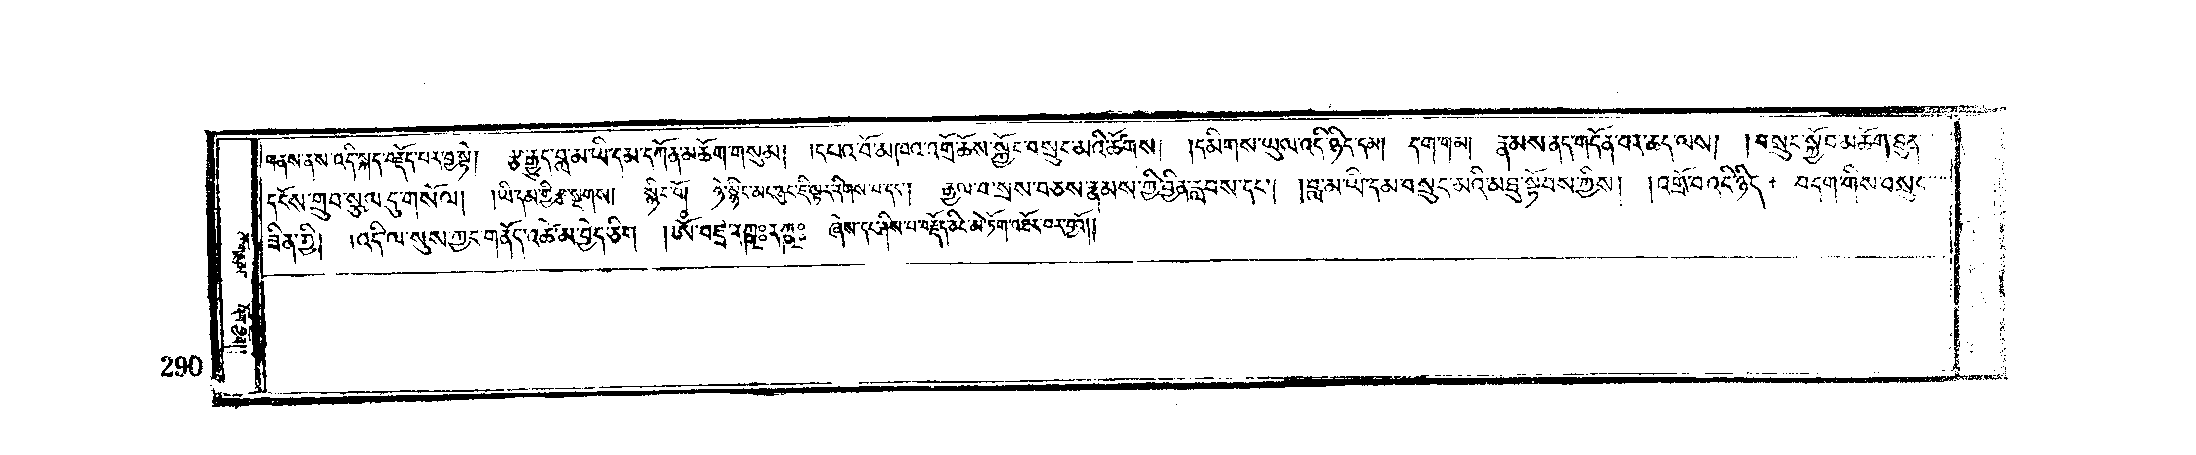གནས་ནས་འདི་སྐད་བརྗོད་པར་བྱ་སྟེ། རྩ་རྒྱུད་བླ་མ་ཡི་དམ་དཀོན་མཆོག་གསུམ། །དཔའ་བོ་མཁའ་འགྲོ་ཆོས་སྐྱོང་བསྲུང་མའི་ཚོགས། །དམིགས་ཡུལ་འདི་ཉིད་དམ། དག་གམ། རྣམས་ནད་གདོན་བར་ཆད་ལས། །བསྲུང་སྐྱོབ་མཆོག་ཐུན་
དངོས་གྲུབ་སྩལ་དུ་གསོལ། །ཡི་དམ་གྱི་རྩ་སྔགས། སྙིང་པོ། ཉེ་སྙིང་མང་ཉུང་ཇི་ལྟར་རིགས་པ་དང་། རྒྱལ་བ་སྲས་བཅས་རྣམས་ཀྱི་བྱིན་རླབས་དང་། །བླ་མ་ཡི་དམ་བསྲུང་མའི་མཐུ་སྟོབས་ཀྱིས། །འགྲོ་བ་འདི་ཉིད་+་བདག་གིས་བསྲུང་
ཟིན་གྱི། །འདི་ལ་སུས་ཀྱང་གནོད་འཚེ་མ་བྱེད་ཅིག། །ཨོཾ་བཛྲ་རཀྵཿ རཀྵཿ ཞེས་དང་ཤིས་པ་བརྗོད་ཅིང་མེ་ཏོག་འཐོར་བར་བྱའོ།